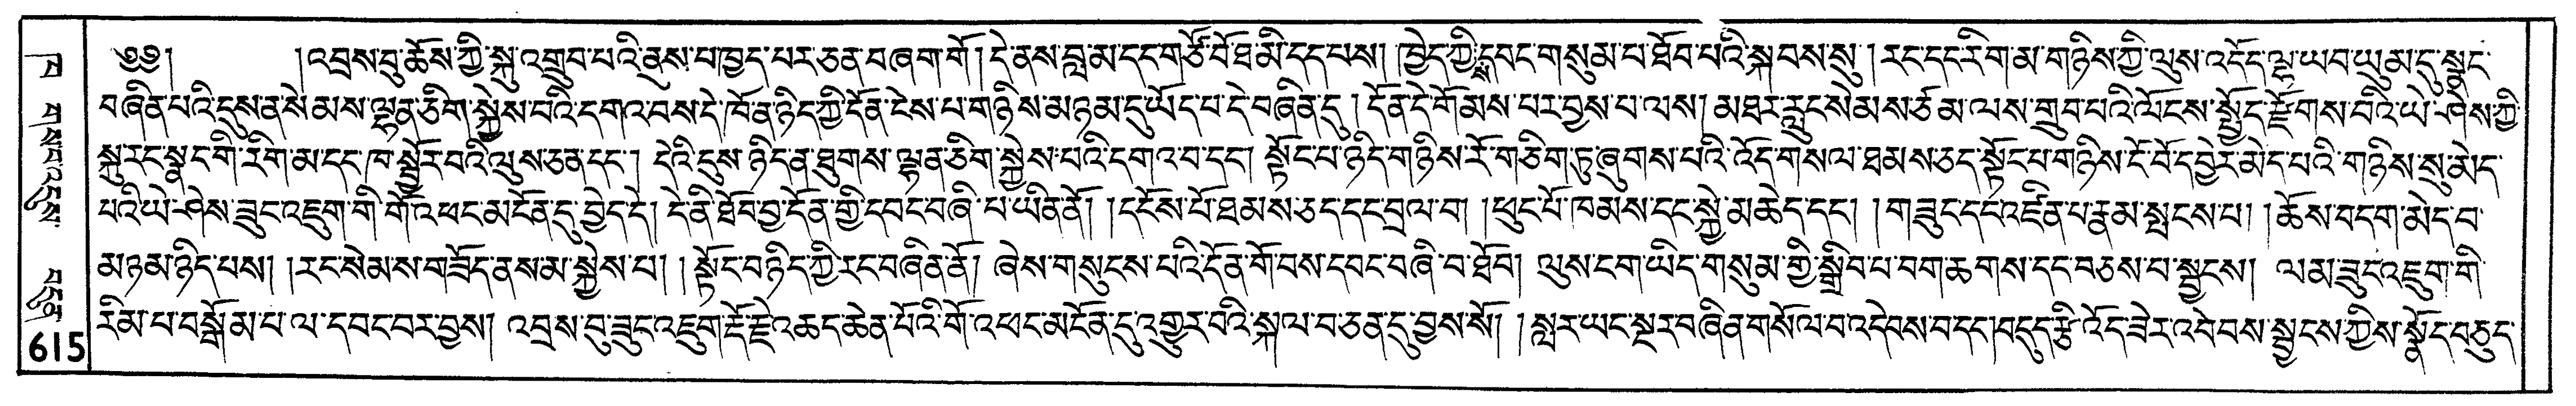༄༅། །འབྲས་བུ་ཆོས་ཀྱི་སྐུ་འགྲུབ་པའི་ནུས་པ་ཁྱད་པར་ཅན་བཞག་གོ །དེ་ནས་བླ་མ་དང་གཙོ་བོ་ཐ་མི་དད་པས། ཁྱེད་ཀྱིས་དབང་གསུམ་པ་ཐོབ་པའི་སྐབས་སུ། རང་དང་རིག་མ་གཉིས་ཀྱི་ལུས་འདོད་ལྷ་ཡབ་ཡུམ་དུ་སྣང་
བཞིན་པའི་དུས་ན་སེམས་ལྷན་ཅིག་སྐྱེས་པའི་དགའ་བས་དེ་ཁོ་ན་ཉིད་ཀྱི་དོན་ངེས་པ་གཉིས་མཉམ་དུ་ཡོད་པ་དེ་བཞིན་དུ། དོན་དེ་གོམས་པར་བྱས་པ་ལས། མཐར་རླུང་སེམས་ཙམ་ལས་གྲུབ་པའི་ལོངས་སྤྱོད་རྫོགས་བའི་ཡེ་ཤེས་ཀྱི་
སྐུ་རང་སྣང་གི་རིག་མ་དང་ཁ་སྦྱོར་བའི་ལུས་ཅན་དང་། དེའི་དུས་ཉིད་ན་ཐུགས་ལྷན་ཅིག་སྐྱེས་པའི་དགའ་བ་དང་། སྟོང་པ་ཉིད་གཉིས་རོ་གཅིག་ཏུ་ཞུགས་པའི་འོད་གསལ་ཐམས་ཅད་སྟོང་པ་གཉིས་ངོ་བོ་དབྱེར་མེད་པའི་གཉིས་སུ་མེད་
པའི་ཡེ་ཤེས་ཟུང་འཇུག་གི་གོ་འཕང་མངོན་དུ་བྱེད་དེ། དེ་ནི་ཐོབ་བྱ་དོན་གྱི་དབང་བཞི་པ་ཡིན་ནོ། །དངོས་པོ་ཐམས་ཅད་དང་བྲལ་བ། །ཕུང་པོ་ཁམས་དང་སྐྱེ་མཆེད་དང་། །གཟུང་དང་འཛིན་པ་རྣམ་སྤངས་པ། །ཆོས་བདག་མེད་པ་
མཉམ་ཉིད་པས། །རང་སེམས་གཟོད་ནས་མ་སྐྱེས་པ། །སྟོང་བ་ཉིད་ཀྱི་རང་བཞིན་ནོ། ཞེས་གསུངས་པའི་དོན་གོ་བས་དབང་བཞི་བ་ཐོབ། ལུས་ངག་ཡིད་གསུམ་གྱི་སྒྲིབ་པ་བག་ཆགས་དང་བཅས་པ་སྦྱངས། ལམ་ཟུང་འཇུག་གི་
རིམ་པ་བསྒོམ་པ་ལ་དབང་བར་བྱས། འབྲས་བུ་ཟུང་འཇུག་རྡོ་རྗེ་འཆང་ཆེན་པོའི་གོ་འཕང་མངོན་དུ་འགྱུར་བའི་སྐལ་བ་ཅན་དུ་བྱས་སོ། །སླར་ཡང་སྔར་བཞིན་གསོལ་བ་འདེབས་པ་དང་། བདུད་རྩི་འོད་ཟེར་འབེབས་སྦྱངས་ཀྱིས་སྣོད་བཅུད་